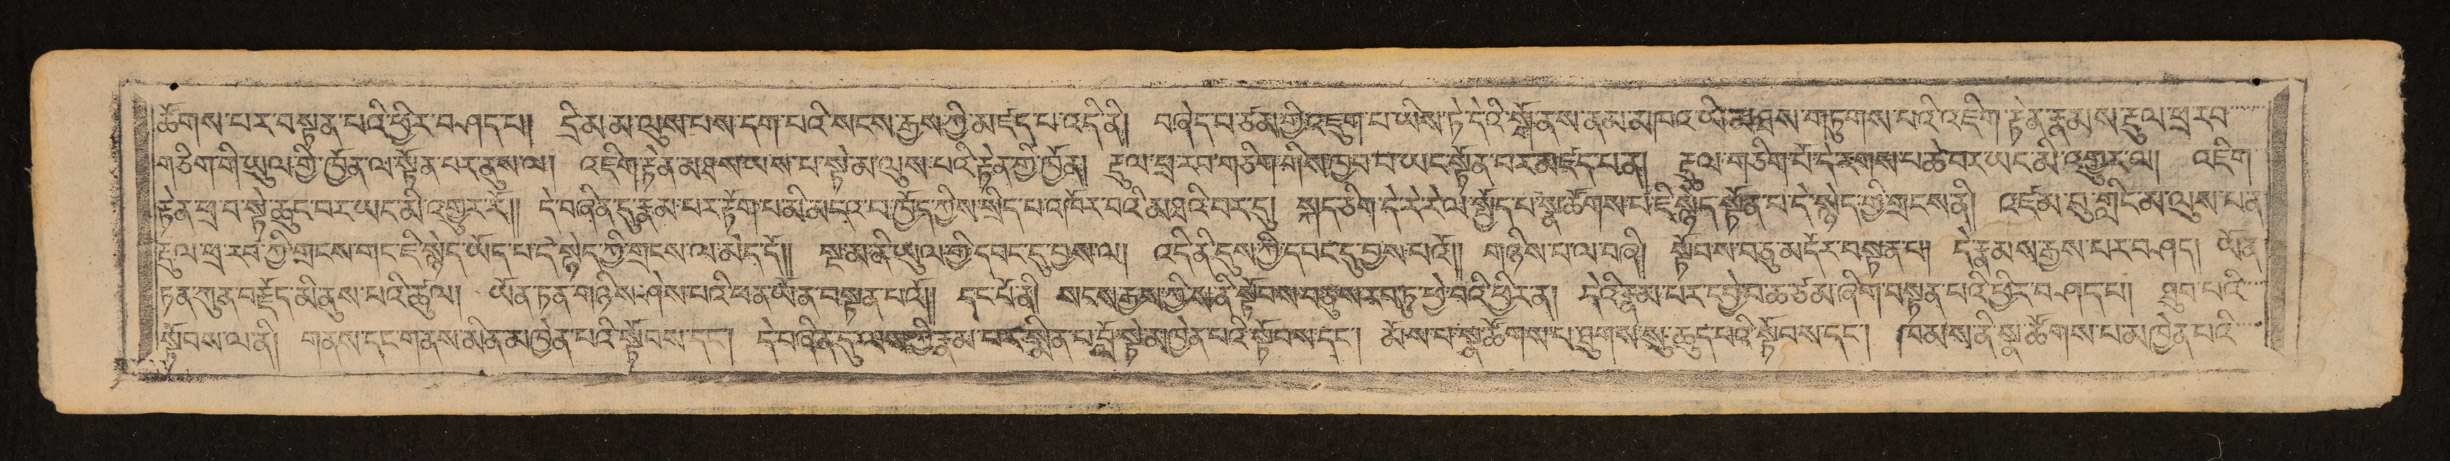ཚོགས་པར་བསྟན་པའི་ཕྱིར་བཤད་པ། དྲི་མ་མ་ལུས་པས་དག་པའི་སངས་རྒྱས་ཀྱི་མཛད་པ་འདི་ནི། བཞེད་པ་ཙམ་གྱི་འཇུག་པ་ཡིས་ཏེ་དེའི་སྒོ་ནས་ནམ་མཁའ་ཡི་མཐས་གཏུགས་པའི་འཇིག་རྟེན་རྣམས་རྡུལ་ཕྲ་རབ་
གཅིག་གི་ཡུལ་གྱི་ཁྱོན་ལ་སྟོན་པར་ནུས་ལ། འཇིག་རྟེན་མཐའ་ཡས་པ་སྟེ་མ་ལུས་པའི་རྟེན་གྱི་ཁྱོན། རྡུལ་ཕྲ་རབ་གཅིག་གིས་ཁྱབ་པ་ཡང་སྟོན་པར་མཛད་པ་ན། རྡུལ་གཅིག་པོ་དེ་རགས་པ་ཆེ་བར་ཡང་མི་འགྱུར་ལ། འཇིག་
རྟེན་ཕྲ་བ་སྟེ་ཆུང་བར་ཡང་མི་འགྱུར་རོ།། དེ་བཞིན་དུ་རྣམ་པར་རྟོག་པ་མི་མངའ་བ་ཁྱོད་ཀྱིས་སྲིད་པ་འཁོར་བའི་མཐའི་བར་དུ། སྐད་ཅིག་དེ་རེ་རེ་ལ་སྤྱོད་པ་སྣ་ཚོགས་པ་ཇི་སྙེད་སྟོན་པ་དེ་སྙེད་ཀྱི་གྲངས་ནི། འཛམ་བུ་གླིང་མ་ལུས་པ་ན་
རྡུལ་ཕྲ་རབ་ཀྱི་གྲངས་གང་ཇི་སྙེད་ཡོད་པ་དེ་སྙེད་ཀྱི་གྲངས་ལ་མེད་དོ།། སྔ་མ་ནི་ཡུལ་གྱི་དབང་དུ་བྱས་ལ། འདི་ནི་དུས་ཀྱི་དབང་དུ་བྱས་པའོ།། གཉིས་པ་ལ་བཞི། སྟོབས་བཅུ་མདོར་བསྟན་པ། དེ་རྣམས་རྒྱས་པར་བཤད། ཡོན་
ཏན་ཀུན་བརྗོད་མི་ནུས་པའི་ཚུལ། ཡོན་ཏན་གཉིས་ཤེས་པའི་ཕན་ཡོན་བསྟན་པའོ།། དང་པོ་ནི། སངས་རྒྱས་ཀྱི་ས་ནི་སྟོབས་བཅུས་རབ་ཏུ་ཕྱེ་བའི་ཕྱིར་ན། དེའི་རྣམ་པར་དབྱེ་བ་ཆ་ཙམ་ཞིག་བསྟན་པའི་ཕྱིར་བཤད་པ། ཐུབ་པའི་
སྟོབས་ལ་ནི། གནས་དང་གནས་མིན་མཁྱེན་པའི་སྟོབས་དང་། དེ་བཞིན་དུ་ལས་ཀྱི་རྣམ་པར་སྨིན་པ་བློ་སྟེ་མཁྱེན་པའི་སྟོབས་དང་། མོས་པ་སྣ་ཚོགས་པ་ཐུགས་སུ་ཆུད་པའི་སྟོབས་དང་། ཁམས་ནི་སྣ་ཚོགས་པ་མཁྱེན་པའི་